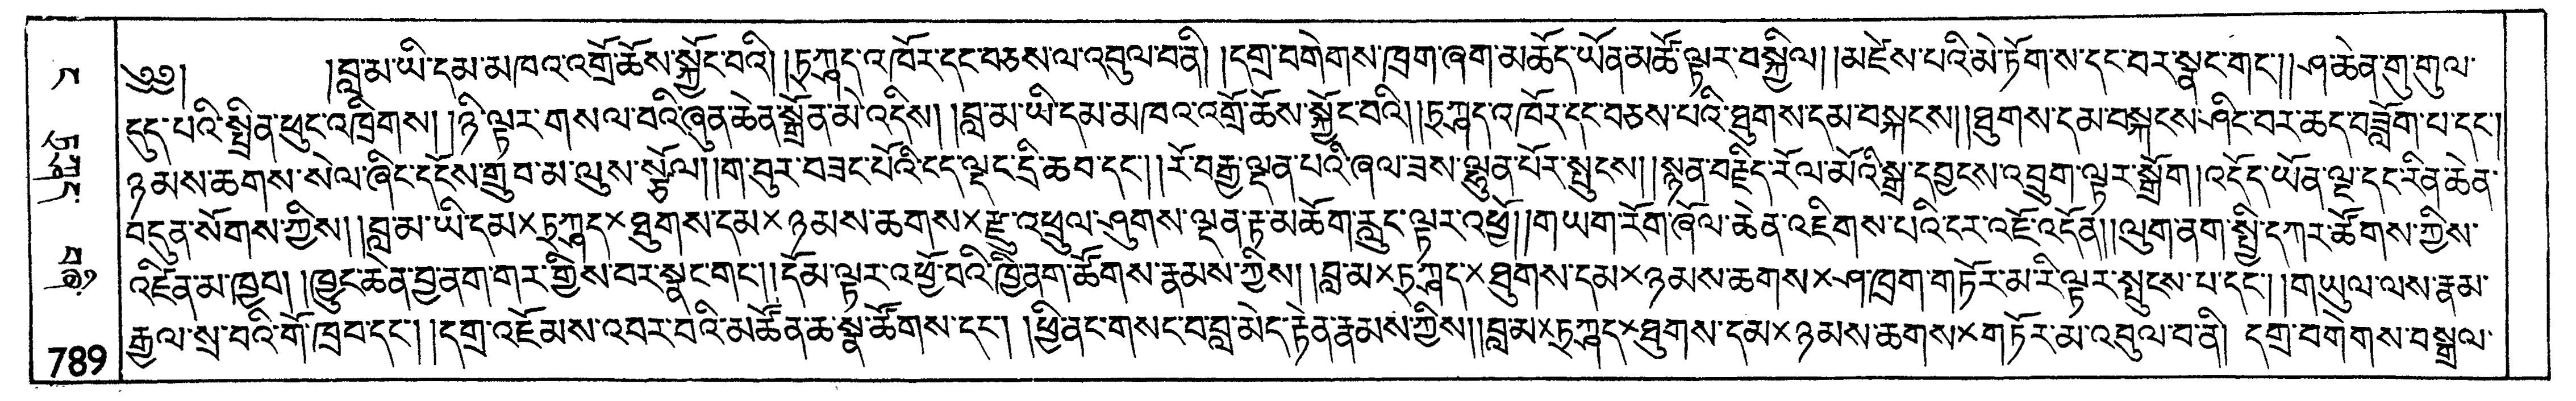༄༅། །བླ་མ་ཡི་དམ་མཁའ་འགྲོ་ཆོས་སྐྱོང་བའི། །ཏྲཀྴད་འཁོར་དང་བཅས་ལ་འབུལ་བ་ནི། །དགྲ་བགེགས་ཁྲག་ཞག་མཆོད་ཡོན་མཚོ་ལྟར་བསྐྱིལ། །མཛེས་པའི་མེ་ཏོག་ས་དང་བར་སྣང་གང་། །ཤ་ཆེན་གུ་གུལ་
དུད་པའི་སྤྲིན་ཕུང་འཁྲིགས། །ཉི་ལྟར་གསལ་བའི་ཞུན་ཆེན་སྒྲོན་མེ་འདིས། །བླ་མ་ཡི་དམ་མཁའ་འགྲོ་ཆོས་སྐྱོང་བའི། །ཏྲཀྴད་འཁོར་དང་བཅས་པའི་ཐུགས་དམ་བསྐངས། །ཐུགས་དམ་བསྐངས་ཤིང་བར་ཆད་བཟློག་པ་དང་།
ཉམས་ཆགས་སེལ་ཞིང་དངོས་གྲུབ་མ་ལུས་སྩོལ། །ག་བུར་བཟང་པོའི་ངད་ལྡང་དྲི་ཆབ་དང་། །རོ་བརྒྱ་ལྡན་པའི་ཞལ་ཟས་ལྷུན་པོར་སྤུངས། །སྙན་བརྗིད་རོལ་མོའི་སྒྲ་དབྱངས་འབྲུག་ལྟར་སྒྲོག །འདོད་ཡོན་ལྔ་དང་རིན་ཆེན་
བདུན་སོགས་ཀྱིས། །བླ་མ་ཡི་དམ་྾་ཏྲཀྴད་྾་ཐུགས་དམ་྾་ཉམས་ཆགས་྾་རྫུ་འཕྲུལ་ཤུགས་ལྡན་རྟ་མཆོག་རླུང་ལྟར་འཕྱོ། །གཡག་རོག་ཞོལ་ཆེན་འཇིགས་པའི་ངར་འཇོ་འདོན། །ལུག་ནག་སྤྱི་དཀར་ཚོགས་ཀྱིས་
འཛིན་མ་ཁྱབ། །ཁྱུང་ཆེན་བྱ་ནག་གར་གྱིས་བར་སྣང་གང་། །དོམ་ལྟར་འཕྱོ་བའི་ཁྱི་ནག་ཚོགས་རྣམས་ཀྱིས། །བླ་མ་྾་ཏྲཀྴད་྾་ཐུགས་དམ་྾་ཉམས་ཆགས་྾་ཤ་ཁྲག་གཏོར་མ་རི་ལྟར་སྤུངས་པ་དང་། །གཡུལ་ལས་རྣམ་
རྒྱལ་སྲ་བའི་གོ་ཁྲབ་དང་། །དགྲ་འཇོམས་འབར་བའི་མཚོན་ཆ་སྣ་ཚོགས་དང་། །ཕྱི་ནང་གསང་བ་བླ་མེད་རྟེན་རྣམས་ཀྱིས། །བླ་མ་྾་ཏྲཀྴད་྾་ཐུགས་དམ་྾་ཉམས་ཆགས་྾་གཏོར་མ་འབུལ་བ་ནི། དགྲ་བགེགས་བསྒྲལ་